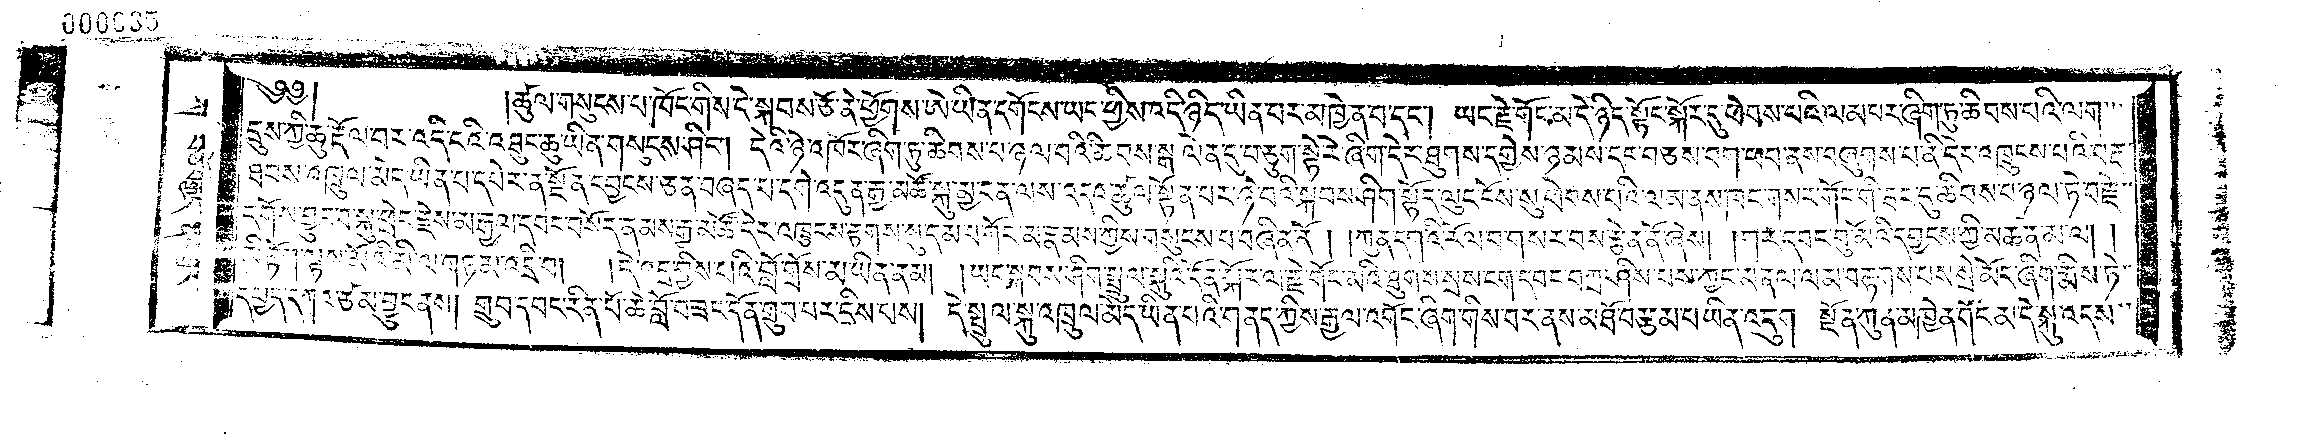༄༅། །ཚུལ་གསུངས་པ་ཁོང་གིས་དེ་སྐབས་ཅོ་ནེ་ཕྱོགས་ཨེ་ཡིན་དགོངས་ཡང་ཕྱིས་འདི་ཉིད་ཡིན་པར་མཁྱེན་པ་དང་། ཡང་རྗེ་གོང་མ་དེ་ཉིད་སྟོང་སྐོར་དུ་ཕེབས་པའི་ལམ་བར་ཞིག་ཏུ་ཆིབས་པའི་ལག་
དྲུས་ཀྱི་ཆུ་རྡོལ་བར་འདི་ངའི་འཐུང་ཆུ་ཡིན་གསུངས་ཤིང་། དེའི་ཉེ་འཁོར་ཞིག་ཏུ་ཆིབས་པ་ཉལ་བའི་ཆི་བས་སྒ་ལེན་དུ་བཅུག་སྟེ་རེ་ཞིག་དེར་ཐུགས་དགྱེས་ཉམས་དང་བཅས་བག་ཕབ་ནས་བཞུགས་པ་ནི་དེར་འཁྲུངས་པའི་བརྡ་
ཐབས་འཁྲུལ་མེད་ཡིན་པ་དཔེར་ན་སྔོན་དབྱངས་ཅན་བཞད་པ་དགེ་འདུན་རྒྱ་མཚོ་སྐུ་མྱ་ངན་ལས་འདའ་ཚུལ་སྟོན་པར་ཉེ་བའི་སྐབས་ཤིག་སྟོང་ལུང་ངོས་སུ་ཕེབས་པའི་ལམ་ནས་ཁང་གསར་གོང་གི་ཐང་དུ་ཆིབས་པ་ཉལ་ཏེ་བརྗེ་
དགོས་བྱུང་བ་སྐུ་ཕྲེང་རྗེས་མ་རྒྱལ་དབང་བསོད་ནམས་རྒྱ་མཚོ་དེར་འཁྲུངས་རྟགས་སུ་དམ་པ་གོང་མ་རྣམས་ཀྱིས་གསུངས་པ་བཞིན་ནོ། །ཀུན་དགའི་རོལ་པ་གསར་བས་རྩེན་ནོ་ཞེས། །གར་དབང་བུ་མོའི་དབྱངས་ཀྱི་མཚན་མ་ལ། །
མི་རྟོག་ལྟས་མོའི་མི་ལ་གཏམ་འདྲི་བ། །དེ་འདྲ་བྱིས་པའི་བློ་གྲོས་མ་ཡིན་ནམ། །ཡང་སྐབས་ཤིག་སྤྲུལ་སྐུའི་དོན་སྐོར་ལ་རྗེ་གོང་མའི་ཐུགས་སྲས་ངག་དབང་བཀྲ་ཤིས་པས་ཀྱང་མནལ་ལམ་བརྟགས་པས་སྲེ་མོང་ཞིག་རྨིས་ཏེ་
དཔྱད་དཀའ་ཙམ་བྱུང་ནས། གྲུབ་དབང་རིན་པོ་ཆེ་བློ་བཟང་དོན་གྲུབ་པར་དྲིས་པས། དེ་སྤྲུལ་སྐུ་འཁྲུལ་མེད་ཡིན་པའི་གནད་ཀྱིས་རྒྱལ་འགོང་ཞིག་གིས་པར་ནས་མཐོ་བརྩམ་པ་ཡིན་འདུག། སྔོན་ཀུན་མཁྱེན་གོང་མ་དེ་སྐུ་འདས་